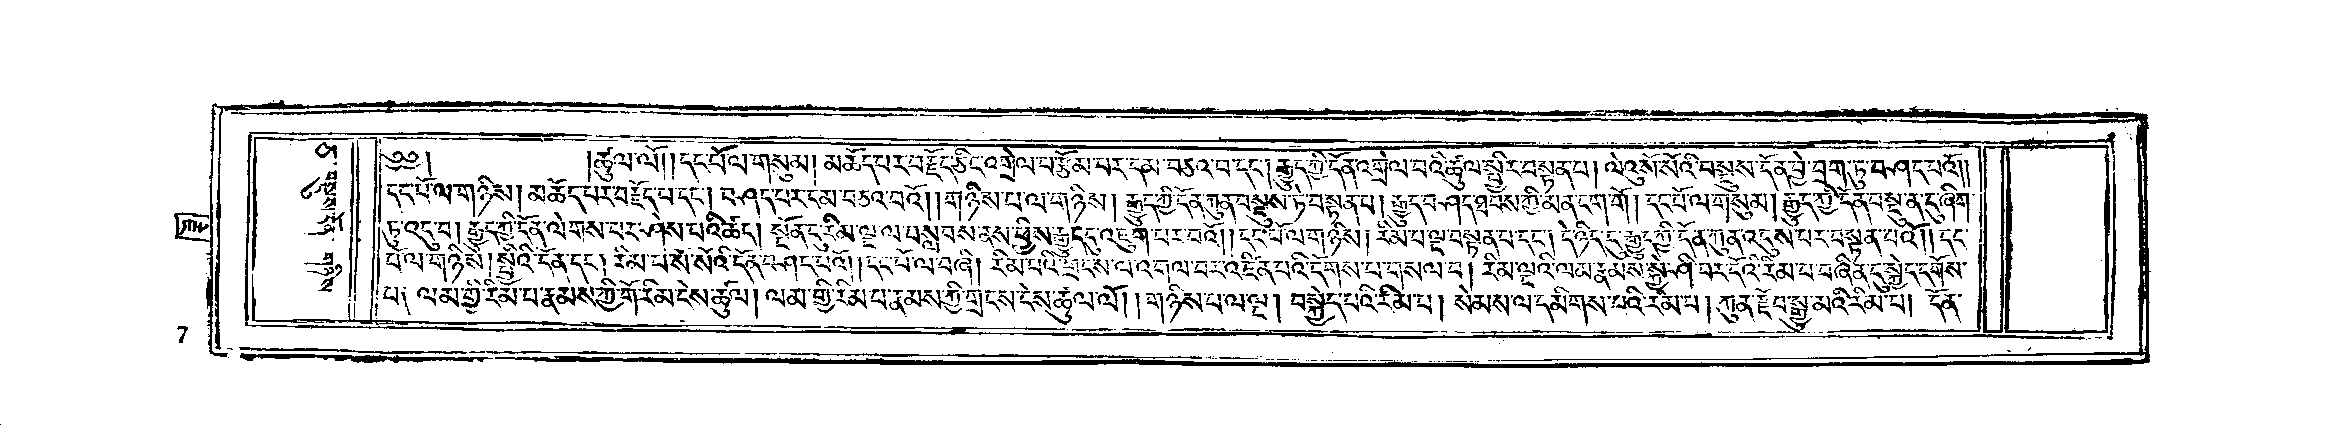༄༅། །ཚུལ་ལོ། །དང་པོ་ལ་གསུམ། མཆོད་པར་བརྗོད་ཅིང་འགྲེལ་པ་རྩོམ་པར་དམ་བཅའ་བ་དང་། རྒྱུད་ཀྱི་དོན་འགྲེལ་བའི་ཚུལ་སྤྱིར་བསྟན་པ། ལེའུ་སོ་སོའི་བསྡུས་དོན་བྱེ་བྲག་ཏུ་བཤད་པའོ། །
དང་པོ་ལ་གཉིས། མཆོད་པར་བརྗོད་པ་དང་། བཤད་པར་དམ་བཅའ་བའོ། །གཉིས་པ་ལ་གཉིས། རྒྱུད་ཀྱི་དོན་ཀུན་བསྡུས་ཏེ་བསྟན་པ། རྒྱུད་བཤད་ཐབས་ཀྱི་མན་ངག་གོ །དང་པོ་ལ་གསུམ། རྒྱུད་ཀྱི་དོན་བསྡུ་ན་དུ་ཞིག་
ཏུ་འདུ་བ། རྒྱུད་ཀྱི་དོན་ལེགས་པར་ཤེས་པའི་ཚད། སྔོན་དུ་རིམ་ལྔ་ལ་བསླབས་ནས་ཕྱིས་རྒྱུད་དུ་འཇུག་པར་བའོ། །དང་པོ་ལ་གཉིས། རིམ་པ་ལྔ་བསྟན་པ་དང་། དེ་ཉིད་དུ་རྒྱུད་ཀྱི་དོན་ཀུན་འདུས་པར་བསྟན་པའོ། །དང་
པོ་ལ་གཉིས། སྤྱིའི་དོན་དང་། རིམ་པ་སོ་སོའི་དོན་བཤད་པའོ། །དང་པོ་ལ་བཞི། རིམ་པའི་གྲངས་ལ་འགལ་བར་འཛིན་པའི་དོགས་པ་གསལ་བ། རིམ་ལྔའི་ལམ་རྣམས་སྐྱེ་ཤི་བར་དོའི་རིམ་པ་བཞིན་དུ་སྐྱེད་དགོས་
པ༑ ལམ་གྱི་རིམ་པ་རྣམས་ཀྱི་གོ་རིམ་ངེས་ཚུལ། ལམ་གྱི་རིམ་པ་རྣམས་ཀྱི་གྲངས་ངེས་ཚུལ་ལོ། །གཉིས་པ་ལ་ལྔ། བསྐྱེད་པའི་རིམ་པ། སེམས་ལ་དམིགས་པའི་རིམ་པ། ཀུན་རྫོབ་སྒྱུ་མའི་རིམ་པ། །དོན་